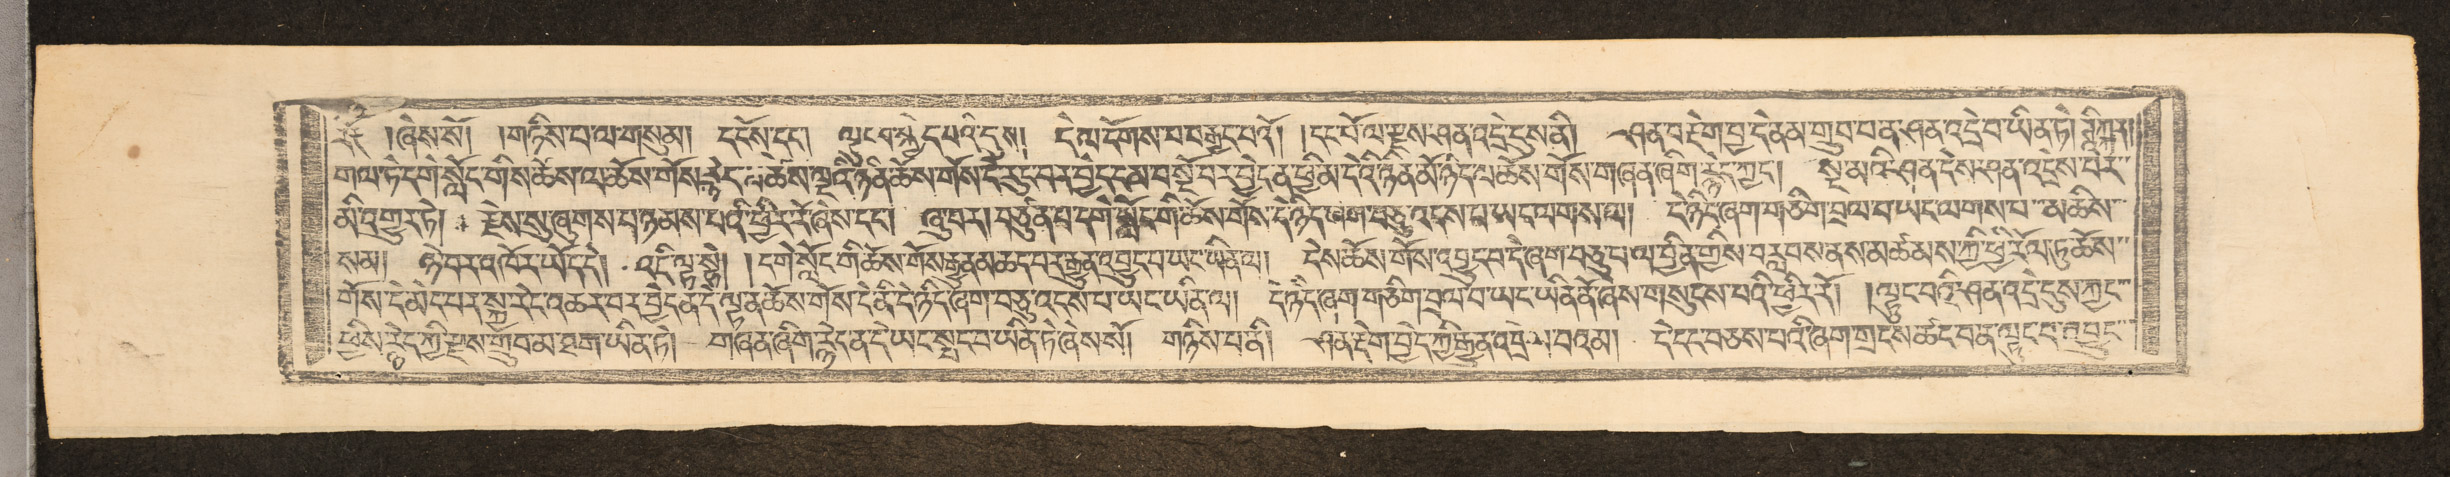རོ༑ །ཞེས་སོ། །གཉིས་པ་ལ་གསུམ། དངོས་དང་། ལྟུང་བ་སྐྱེད་པའི་དུས། དེ་ལ་དོགས་པ་བཅད་པའོ། །དང་པོ་ལ་རྫས་ཤན་འདྲེ་དུས་ནི། ཤན་བརྡེག་བྱ་དེ་ནམ་གྲུབ་པ་ན་ཤན་འདྲེ་བ་ཡིན་ཏེ། ཊཱིཀྐར།
གལ་ཏེ་དགེ་སློང་གིས་ཚེས་ལ་ཆོས་གོས་རྙེད་ལ་ཚེས་ལྔའི་ཉིན་ཆོས་གོས་དེ་རུང་བར་བྱེད་དམ་བསྔོ་བར་བྱེད་ན་ཕྱི་མ་དེའི་ཉིན་མོ་ཉིད་ལ་ཆོས་གོས་གཞན་ཞིག་རྙེད་ཀྱང་། སྔ་མའི་ཤན་དེས་ཤན་འདྲེས་པར་
མི་འགྱུར་ཏེ། རྗེས་སུ་ཞུགས་པ་ཉམས་པའི་ཕྱིར་རོ་ཞེས་དང་། ཞུ་བར། བཙུན་པ་དགེ་སློང་གི་ཆོས་གོས་དེ་ཉིད་ཞག་བཅུ་འདས་པ་ཡང་ལགས་ལ། དེ་ཉིད་ཞག་གཅིག་བྲལ་བ་ཡང་ལགས་པ་མཆིས་
སམ། ཉེ་བར་འཁོར་ཡོད་དེ། འདི་ལྟ་སྟེ། དགེ་སློང་གི་ཆོས་གོས་རྒྱུན་མ་ཆད་པར་རྒྱུན་འབྱུང་པ་ཡང་ཡིན་ལ། དེས་ཆོས་གོས་འབྱུང་བ་དེ་ཞག་བཅུ་པ་ལ་བྱིན་གྱིས་བརླབས་ནས་མཚམས་ཀྱི་ཕྱི་རོལ་ཏུ་ཆོས་
གོས་དེ་མེད་པར་སྐྱ་རེད་འཆར་བར་བྱེད་ན་དེ་ལྟ་ན་ཆོས་གོས་དེ་ནི་དེ་ཉིད་ཞག་བཅུ་འདས་པ་ཡང་ཡིན་ལ། དེ་ཉིད་ཞག་གཅིག་བྲལ་བ་ཡང་ཡིན་ནོ་ཞེས་གསུངས་པའི་ཕྱིར་རོ། །ལྟུང་བའི་ཤན་འདྲེ་དུས་ཀྱང་
ཕྱིས་རྙེད་ཀྱི་རྫས་གྲུབ་མ་ཐག་ཡིན་ཏེ། གཞན་ཞིག་རྙེད་ན་དེ་ཡང་སྤང་བ་ཡིན་ཏེ་ཞེས་སོ། །གཉིས་པ་ནི། ཤན་རྡེག་བྱེད་ཀྱི་རྒྱུན་འབྲེལ་བའམ། དེ་དང་བཅས་པའི་ཞག་གྲངས་ཚང་བ་ན་ལྟུང་བ་འབྱུང་